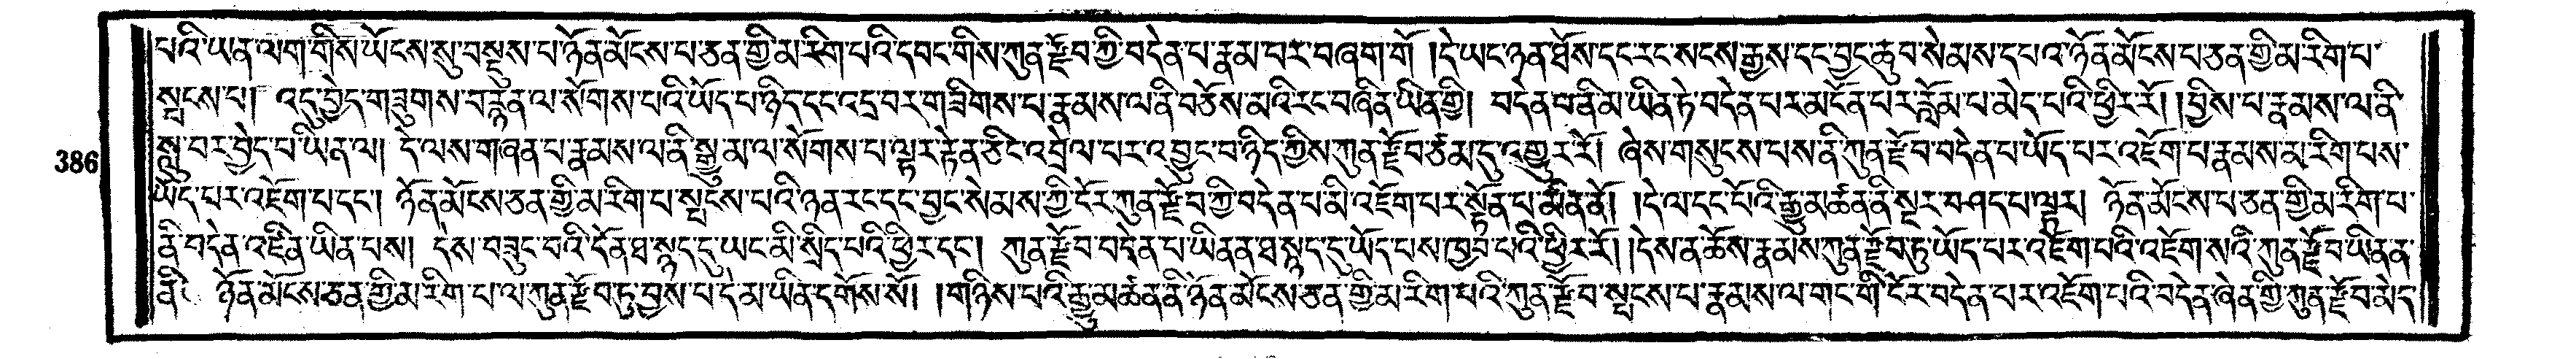པའི་ཡན་ལག་གིས་ཡོངས་སུ་བསྡུས་པ་ཉོན་མོངས་པ་ཅན་གྱི་མ་རིག་པའི་དབང་གིས་ཀུན་རྫོབ་ཀྱི་བདེན་པ་རྣམ་པར་བཞག་གོ །དེ་ཡང་ཉན་ཐོས་དང་རང་སངས་རྒྱས་དང་བྱང་ཆུབ་སེམས་དཔའ་ཉོན་མོངས་པ་ཅན་གྱི་མ་རིག་པ་
སྤངས་པ། འདུ་བྱེད་གཟུགས་བརྙན་ལ་སོགས་པའི་ཡོད་པ་ཉིད་དང་འདྲ་བར་གཟིགས་པ་རྣམས་ལ་ནི་བཅོས་མའི་རང་བཞིན་ཡིན་གྱི། བདེན་པ་ནི་མ་ཡིན་ཏེ་བདེན་པར་མངོན་པར་རློམ་པ་མེད་པའི་ཕྱིར་རོ། །བྱིས་པ་རྣམས་ལ་ནི་
སླུ་བར་བྱེད་པ་ཡིན་ལ། དེ་ལས་གཞན་པ་རྣམས་ལ་ནི་སྒྱུ་མ་ལ་སོགས་པ་ལྟར་རྟེན་ཅིང་འབྲེལ་པར་འབྱུང་བ་ཉིད་ཀྱིས་ཀུན་རྫོབ་ཙམ་དུ་འགྱུར་རོ། ཞེས་གསུངས་པས་ནི་ཀུན་རྫོབ་བདེན་པ་ཡོད་པར་འཇོག་པ་རྣམས་མ་རིག་པས་
ཡོད་པར་འཇོག་པ་དང་། ཉོན་མོངས་ཅན་གྱི་མ་རིག་པ་སྤངས་པའི་ཉན་རང་དང་བྱང་སེམས་ཀྱི་དོར་ཀུན་རྫོབ་ཀྱི་བདེན་པ་མི་འཇོག་པར་སྟོན་པ་མིན་ནོ། །དེ་ལ་དང་པོའི་རྒྱུ་མཚན་ནི་སྔར་བཤད་པ་ལྟར། ཉོན་མོངས་པ་ཅན་གྱི་མ་རིག་པ་
ནི་བདེན་འཛིན་ཡིན་པས། དེས་བཟུང་བའི་དོན་ཐ་སྙད་དུ་ཡང་མི་སྲིད་པའི་ཕྱིར་དང་། ཀུན་རྫོབ་བདེན་པ་ཡིན་ན་ཐ་སྙད་དུ་ཡོད་པས་ཁྱབ་པའི་ཕྱིར་རོ། །དེས་ན་ཆོས་རྣམས་ཀུན་རྫོབ་ཏུ་ཡོད་པར་འཇོག་པའི་འཇོག་སའི་ཀུན་རྫོབ་ཡིན་ན་
ནི༑ ཉོན་མོངས་ཅན་གྱི་མ་རིག་པ་ལ་ཀུན་རྫོབ་ཏུ་བྱས་པ་དེ་མ་ཡིན་དགོས་སོ། །གཉིས་པའི་རྒྱུ་མཚན་ནི་ཉོན་མོངས་ཅན་གྱི་མ་རིག་པའི་ཀུན་རྫོབ་སྤངས་པ་རྣམས་ལ་གང་གི་ངོར་བདེན་པར་འཇོག་པའི་བདེན་ཞེན་གྱི་ཀུན་རྫོབ་མེད་